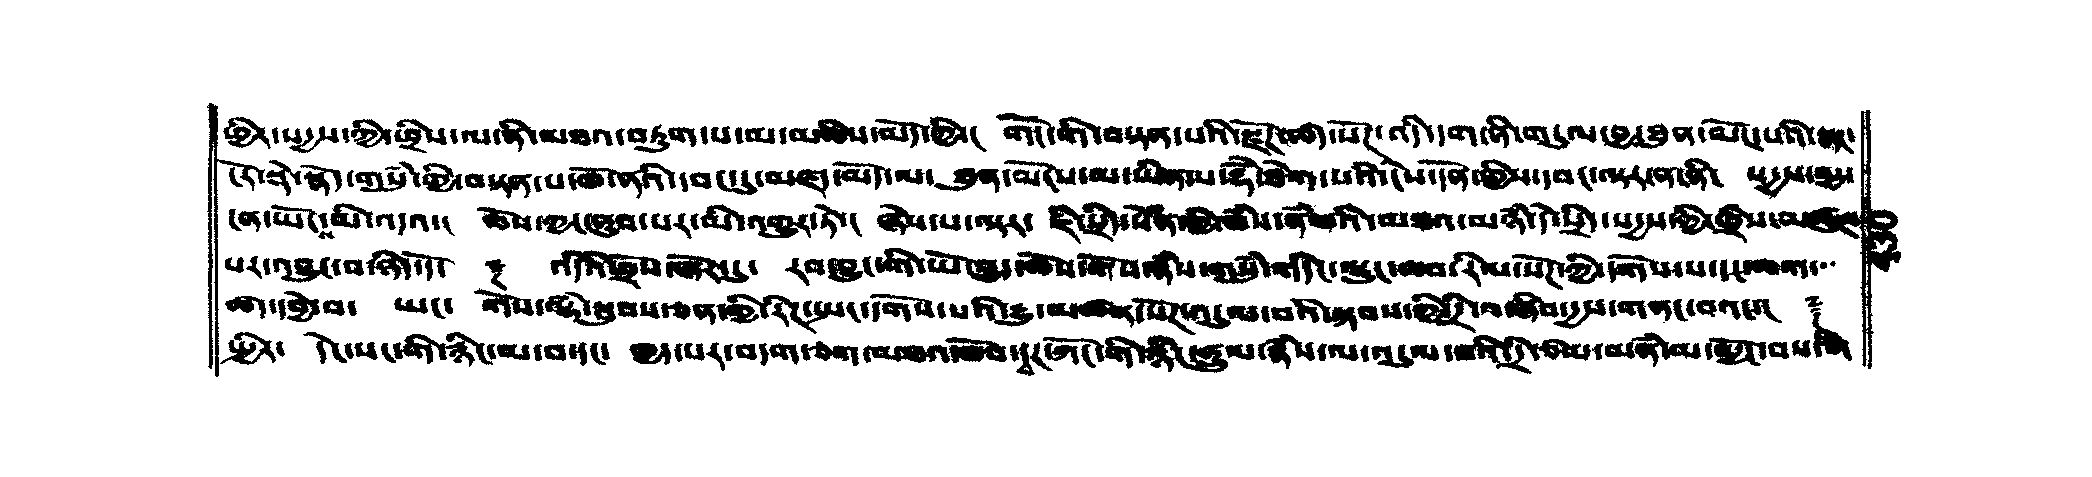ཕྱིར་སངས་རྒྱས་ཀྱི་ཕྲིན་ལས་ནི་མཐའ་གཏུག་པ་མ་མཆིས་མོད་ཀྱི། གོང་གི་བསྟན་པའི་རྫོགས་ཚད་སོགས་འདི་དག་ནི་གདུལ་བྱ་ཐུན་མོང་པའི་སྣང་
ངོར་སྡེ་སྣོད་གསུམ་གྱི་བསྟན་པ་ཁོ་ནའི་དབང་དུ་མཛད་མོད་ལ། ཐུན་མོང་མ་ཡིན་པ་རྡོ་རྗེ་ཐེག་པའི་ངེས་དོན་གྱིས་དབང་ལྟར་ན་ནི། སངས་རྒྱས་མྱ་
ངན་ཡོངས་མི་འདའ། །ཆོས་ཀྱང་ནུབ་པར་མི་འགྱུར་ཏེ། ཞེས་པ་ལྟར། ཇི་སྲིད་སེམས་ཅན་ཀྱི་ཁམས་ནམ་མཁའི་མཐའ་མཉམ་དེ་སྲིད་སངས་རྒྱས་ཀྱི་ཕྲིན་ལས་མཚུངས་
པར་འབྱུང་བ་ཉིད་དོ། འདིའི་ཕྲོས་ཞོར་དུ། རབ་བྱུང་གི་ཡོ་བྱད་ཆོས་གོས་རྣམ་གསུམ་གདིང་ལྷུང་ཆབ་རིལ་སོགས་ཀྱི་དགོས་པ་དང་ཆག་
ཚད། དབྱེ་བ། ཡང་གོས་ལྷམ་སྦུབས་ཅན་གྱི་རིགས་སྤང་དགོས་པའི་རྒྱུ་མཚན་སོགས་འདུལ་བའི་སྐབས་ཀྱི་དྲི་བ་ཞིབ་རྒྱས་གནང་བའང་། 
སྤྱིར་དེང་སང་གི་རྙིང་མ་དང་། ཁྱད་པར་བདག་ཅག་མཐའ་ཁོབ་དྭགས་ཀོང་གི་རྙིང་ཧྲུལ་རྣམས་ལ་འདུལ་བའི་དྲི་ཙམ་སྣོམ་མ་མྱོང་བས་ཅི་